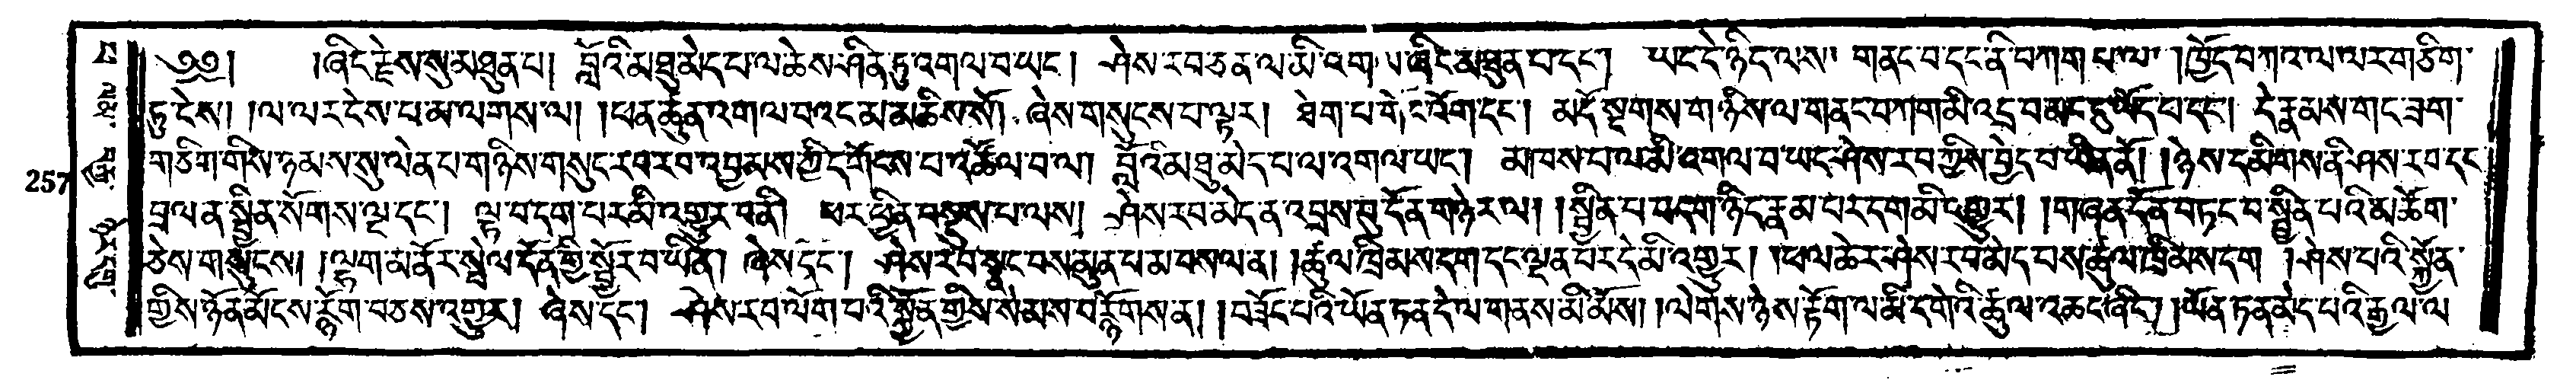༄༅། །ཞིང་རྗེས་སུ་མཐུན་པ། བློའི་མཐུ་མེད་པ་ལ་ཆེས་ཤིན་ཏུ་འགལ་བ་ཡང་། ཤེས་རབ་ཅན་ལ་མི་འགལ་ཞིང་མཐུན་པ་དང་། ཡང་དེ་ཉིད་ལས་གནང་བ་དང་ནི་བཀག་པ་ལ། ཁྱོད་བཀའ་ལ་ལར་གཅིག་
ཏུ་ངེས། །ལ་ལ་ར་ངེས་པ་མ་ལགས་ལ། །ཕན་ཚུན་འགལ་བའང་མ་མཆིས་སོ། ཞེས་གསུངས་པ་ལྟར། ཐེག་པ་གོང་འོག་དང་། མདོ་སྔགས་གཉིས་ལ་གནང་བཀག་མི་འདྲ་བ་མང་དུ་ཡོད་པ་དང་། དེ་རྣམས་གང་ཟག་
གཅིག་གིས་ཉམས་སུ་ལེན་པ་གཉིས་གསུང་རབ་རབ་འབྱམས་ཀྱི་དགོངས་པ་འཚོལ་བ་ལ། བློའི་མཐུ་མེད་པ་ལ་འགལ་ཡང་། མཁས་པ་ལ་མི་འགལ་བ་ཡང་ཤེས་རབ་ཀྱིས་བྱེད་བ་ཡིན་ནོ། །ཉེས་དམིགས་ནི་ཤས་རབ་དང་
བྲལ་ན་སྦྱིན་སོགས་ལྔ་དང་། ལྟ་པ་དག་པར་མི་འགྱུར་བ་ནི། ཕར་ཕྱིན་བསྡུས་པ་ལས། ཤེས་རབ་མེད་ན་འབྲས་བུ་དོན་གཉེར་ལ། །སྦྱིན་པ་བདག་ཉིད་རྣམ་པར་དག་མི་འགྱུར། །གཞན་དོན་བཏང་བ་སྦྱིན་པའི་མཆོག་
ཅེས་གསུངས། །ལྷག་མ་ནོར་སྤེལ་དོན་གྱི་སྦྱོར་བ་ཡིན། ཞེས་དང་། ཤེས་རབ་སྣང་བས་མུན་པ་མ་བསལ་ན། །ཚུལ་ཁྲིམས་དག་དང་ལྡན་པར་དེ་མི་འགྱུར། །ཕལ་ཆེར་ཤེས་རབ་མེད་པས་ཚུལ་ཁྲིམས་དག །ཤེས་པའི་སྐྱོན་
གྱིས་ཉོན་མོངས་རྙོག་བཅས་འགྱུར། ཞེས་དང་། ཤེས་རབ་ལོག་པའི་སྐྱོན་གྱིས་སེམས་བརྙོགས་ན། །བཟོང་པའི་ཡོན་ཏན་དེ་ལ་གནས་མི་མོས། །ལེགས་ཉེས་རྟོག་ལ་མི་དགེའི་ཚུལ་འཆང་ཞིང་། །ཡོན་ཏན་མེད་པའི་རྒྱལ་ལ་